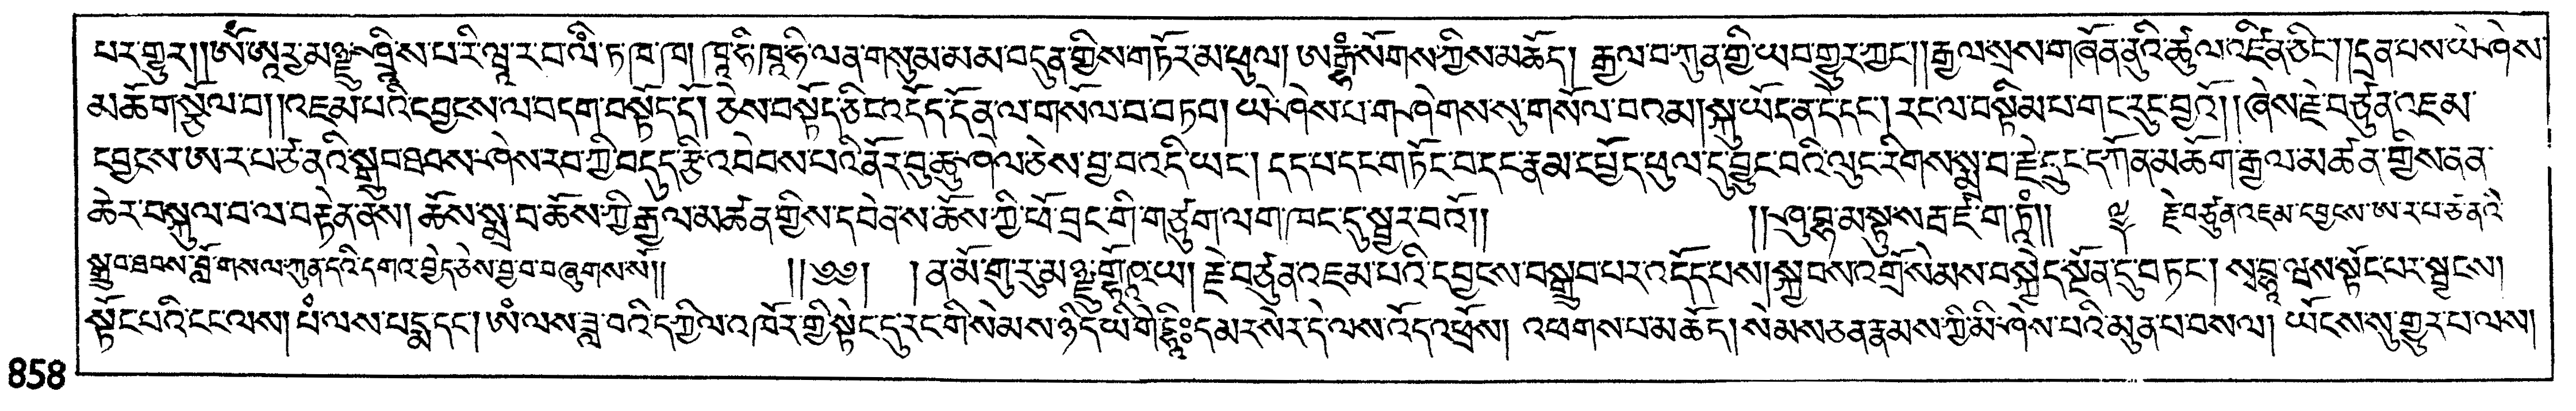པར་གྱུར། །ཨོཾ་ཨཱརྱ་མཉྫུ་ཤྲཱི་ས་པ་རི་ཝཱ་ར་བ་ལིཾ་ཏ་ཁ་ཁ། ཁཱ་ཧི་ཁཱ་ཧི་ལན་གསུམ་མམ་བདུན་གྱིས་གཏོར་མ་ཕུལ། ཨརྒྷཾ་སོགས་ཀྱིས་མཆོད། རྒྱལ་བ་ཀུན་གྱི་ཡབ་གྱུར་ཀྱང་། །རྒྱལ་སྲས་གཞོན་ནུའི་ཚུལ་འཛིན་ཅིང་། །དྲན་པས་ཡེ་ཤེས་
མཆོག་སྩོལ་བ། །འཇམ་པའི་དབྱངས་ལ་བདག་བསྟོད་དོ། ཅེས་བསྟོད་ཅིང་འདོད་དོན་ལ་གསོལ་བ་བཏབ། ཡེ་ཤེས་པ་གཤེགས་སུ་གསོལ་བའམ། སྐུ་ཡོད་ན་དེ་དང་། རང་ལ་བསྟིམ་པ་གང་རུང་བྱའོ། །ཞེས་རྗེ་བཙུན་འཇམ་
དབྱངས་ཨ་ར་པ་ཙ་ནའི་སྒྲུབ་ཐབས་ཤེས་རབ་ཀྱི་བདུད་རྩི་འབེབས་པའི་ནོར་བུ་ཆུ་ཤེལ་ཅེས་བྱ་བ་འདི་ཡང་། དད་པ་དང་གཏོང་བ་དང་རྣམ་དཔྱོད་ཕུལ་དུ་བྱུང་བའི་ལུང་རིགས་སྨྲ་བ་རྗེ་དྲུང་དཀོན་མཆོག་རྒྱལ་མཚན་གྱིས་ནན་
ཆེར་བསྐུལ་བ་ལ་བརྟེན་ནས། ཆོས་སྨྲ་བ་ཆོས་ཀྱི་རྒྱལ་མཚན་གྱིས་དབེན་ས་ཆོས་ཀྱི་ཕོ་བྲང་གི་གཙུག་ལག་ཁང་དུ་སྦྱར་བའོ།། །།ཤུ་བྷ་མ་སྟུ་སརྦ་ཛ་ག་ཏཱཾ།། ༈ རྗེ་བཙུན་འཇམ་དབྱངས་ཨ་ར་པ་ཙ་ནའི་
སྒྲུབ་ཐབས་བློ་གསལ་ཀུན་དའི་དགའ་བྱེད་ཅེས་བྱ་བ་བཞུགས་སོ།། །། ༄༅། །ན་མོ་གུ་རུ་མཉྫུ་གྷོ་ཥཱ་ཡ། རྗེ་བཙུན་འཇམ་པའི་དབྱངས་བསྒྲུབ་པར་འདོད་པས། སྐྱབས་འགྲོ་སེམས་བསྐྱེད་སྔོན་དུ་བཏང་། སྭ་བྷཱ་ཝས་སྟོང་པར་སྦྱངས།
སྟོང་པའི་ངང་ལས། པཾ་ལས་པདམ་དང་། ཨཾ་ལས་ཟླ་བའི་དཀྱིལ་འཁོར་གྱི་སྟེང་དུ་རང་གི་སེམས་ཉིད་ཡི་གེ་དྷཱིཿ དམར་སེར་དེ་ལས་འོད་འཕྲོས། འཕགས་པ་མཆོད། སེམས་ཅན་རྣམས་ཀྱི་མི་ཤེས་པའི་མུན་པ་བསལ། ཡོངས་སུ་གྱུར་པ་ལས།